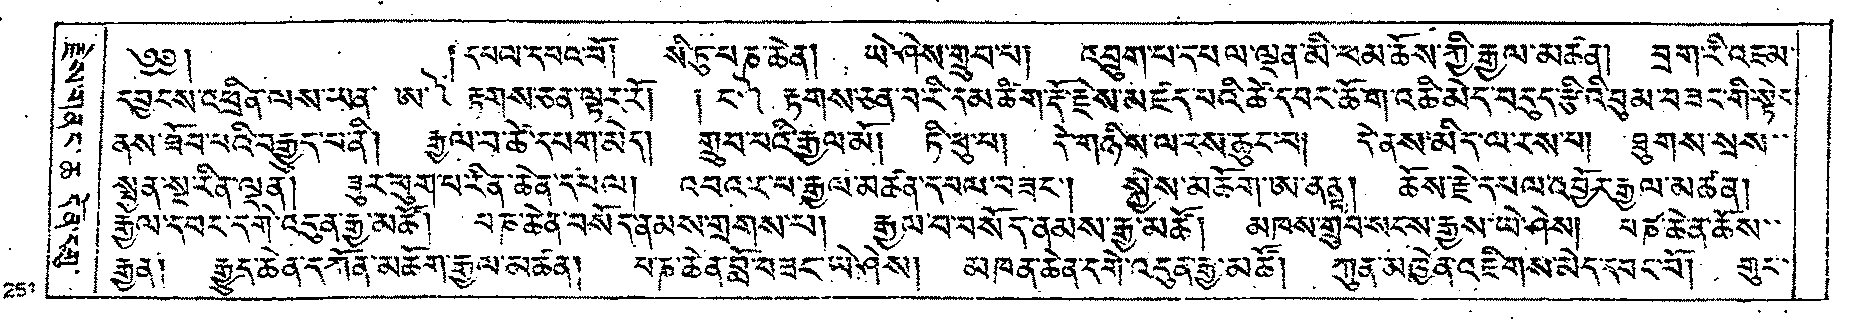༄༅། །དཔལ་དཔའ་བོ། སི་ཏུ་པཎ་ཆེན། ཡེ་ཤེས་གྲུབ་པ། འབྲུག་པ་དཔལ་ལྡན་མི་ཕམ་ཆོས་ཀྱི་རྒྱལ་མཚན། བྲག་རི་འཇམ་
དབྱངས་འཕྲིན་ལས་ཡན་ཨ྄་རྟགས་ཅན་ལྟར་རོ། །ང྄་རྟགས་ཅན་བ་རི་དམ་ཚིག་རྡོ་རྗེས་མཛད་པའི་ཚེ་དབང་ཆོ་ག་འཆི་མེད་བདུད་རྩིའི་བུམ་བཟང་གི་སྟེང་
ནས་ཐོབ་པའི་བརྒྱུད་པ་ནི། རྒྱལ་བ་ཚེ་དཔག་མེད། གྲུབ་པའི་རྒྱལ་མོ། ཏི་ཕུ་པ། དེ་གཉིས་ལ་རས་ཆུང་བ། དེ་ནས་མིད་ལ་རས་པ། ཐུགས་སྲས་
སྤྱན་སྔ་རིན་ལྡན། ཟུར་ཕུག་པ་རིན་ཆེན་དཔལ། འབའ་ར་པ་རྒྱལ་མཚན་དཔལ་བཟང་། སྐྱེས་མཆོག་ཨ་ནནྟ། ཆོས་རྗེ་དཔལ་འབྱོར་རྒྱལ་མཚན།
རྒྱལ་དབང་དགེ་འདུན་རྒྱ་མཚོ། པཎ་ཆེན་བསོད་ནམས་གྲགས་པ། རྒྱལ་བ་བསོད་ནམས་རྒྱ་མཚོ། མཁས་གྲུབ་སངས་རྒྱས་ཡེ་ཤེས། པཎ་ཆེན་ཆོས་
རྒྱན། རྒྱུད་ཆེན་དཀོན་མཆོག་རྒྱལ་མཚན། པཎ་ཆེན་བློ་བཟང་ཡེ་ཤེས། མཁན་ཆེན་དགེ་འདུན་རྒྱ་མཚོ། ཀུན་མཁྱེན་འཇིགས་མེད་དབང་པོ། གུང་